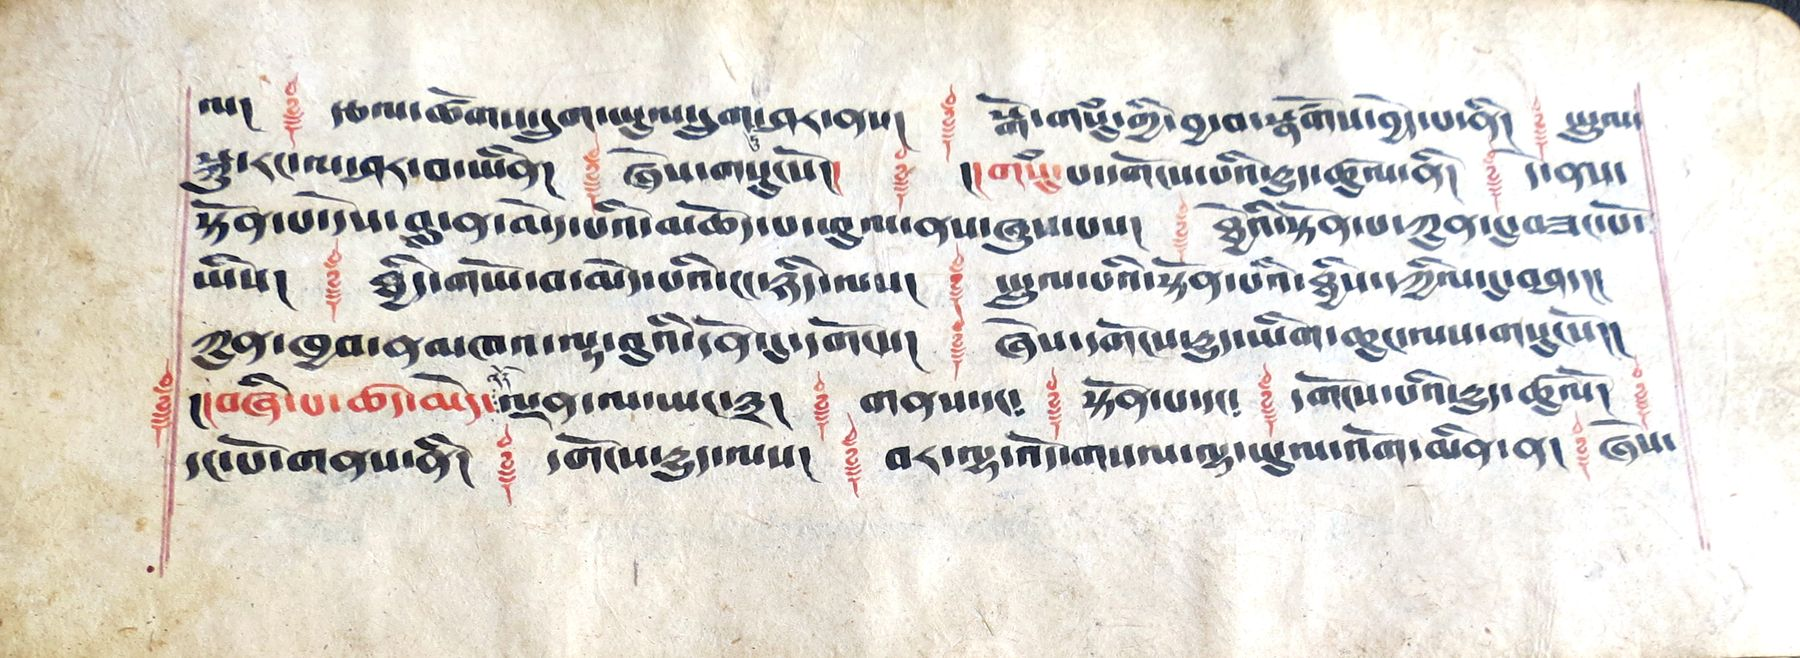ལ། རྩལ་ཚོགས་དྲུག་ཡུལ་དྲུག་ཤར་ནས། སྒོ་གསུམ་གྱི་བྱ་བ་སྣ་ཚོགས་བྱེད་པ་ནི། སྤྲུལ་
སྐུ་རང་ལ་ཤར་བ་ཡིན། ཞེས་གསུངས་སོ། ། གསུམ་པ་དགོངས་པའི་བརྒྱུད་ཚུལ་ནི། དེ་ནས་
སྟོན་པ་དེས་བླ་ན་མེད་པའི་མཆོད་པ་ཕུལ་ནས་ཞུས་པས། ཐུགས་རྗེའི་སྟོན་པ་ཀུན་ཏུ་བཟང་པོ་
ཡིས། ། ཐུགས་ཉིད་གཡོ་བ་མེད་པའི་ངང་ཉིད་ལས། ། སྤྲུལ་པའི་སྟོན་པའི་ཐུགས་ཀྱི་དཀྱིལ་དུ་བཤད། ། 
ཀུན་ཁྱབ་ནམ་མཁའ་ལྟ་བུའི་དོན་དུ་དགོངས། ཞེས་དགོངས་རྒྱུད་ཡིག་ཆུང་ལས་གསུངས་སོ། 
། བཞི་པ་ཚད་མེད་འོད་ལྡན་ལ་ཡང་གསུམ། གནས་དང་། སྟོན་པ་དང་། དགོངས་པའི་བརྒྱུད་ཚུལ་ལོ། ། 
དང་པོ་གནས་ནི། དགོངས་རྒྱུད་ལས། བར་ལྷ་འོད་གསལ་ལྷ་ཡུལ་འོག་མིན་ན། ཞེས་